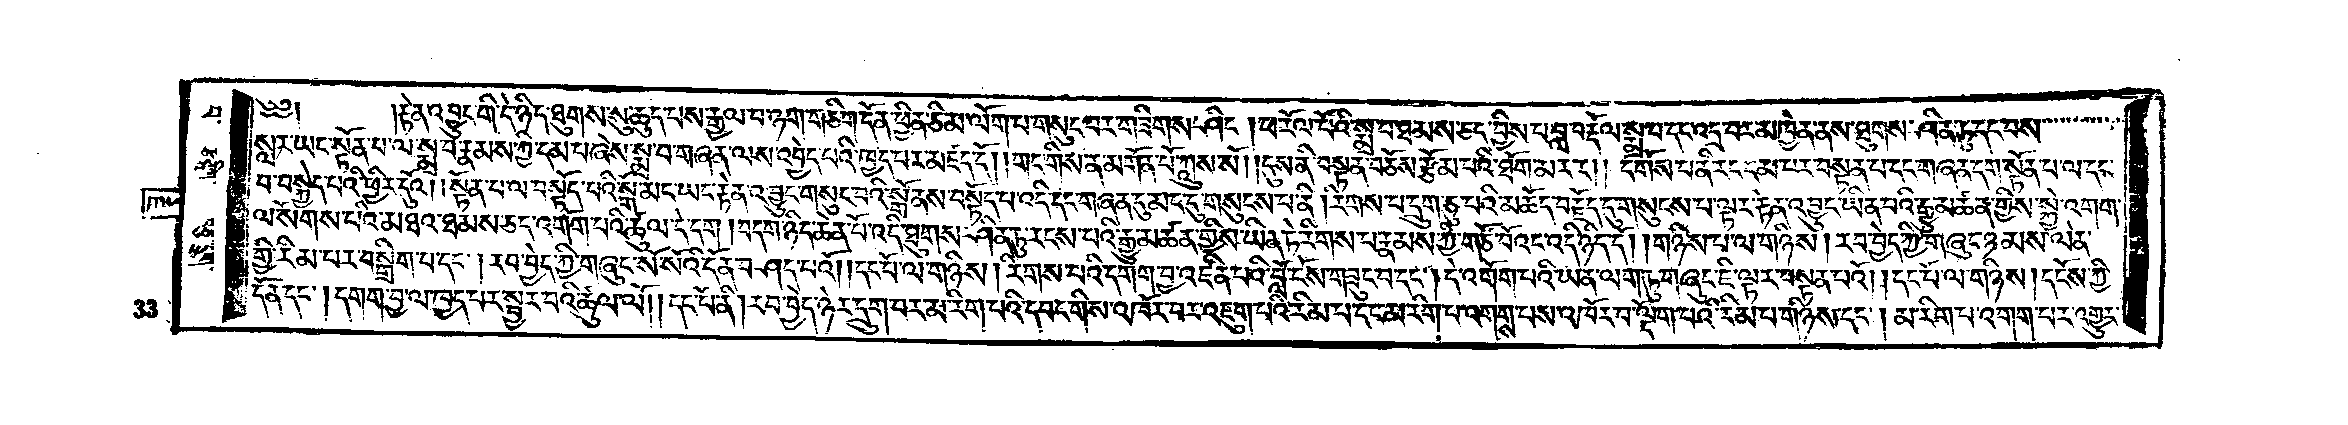༄༅། །རྟེན་འབྱུང་གི་དེ་ཉིད་ཐུགས་སུ་ཆུད་པས་རྒྱལ་བ་ཉག་གཅིག་དོན་ཕྱིན་ཅི་མ་ལོག་པ་གསུང་བར་གཟིགས་ཤིང་། ཕ་རོལ་པོའི་སྨྲ་བ་ཐམས་ཅད་བྱིས་པ་བླ་བརྡོལ་སྨྲ་བ་དང་འདྲ་བར་མཁྱེན་ནས་ཐུགས་ཤིན་ཏུ་དང་བས་
སླར་ཡང་སྟོན་པ་ལ་སྨྲ་བ་རྣམས་ཀྱི་དམ་པ་ཞེས་སྨྲ་བ་གཞན་ལས་འབྱེད་པའི་ཁྱད་པར་མཛད་དོ། །གང་གིས་ན་མགོན་པོ་ཀླུས་སོ། །དུས་ནི་བསྟན་བཅོས་རྩོམ་པའི་ཐོག་མར་རོ། །དགོས་པ་ནི་རང་དམ་པར་བསྟན་པ་དང་གཞན་དག་སྟོན་པ་ལ་དང་
བ་བསྐྱེད་པའི་ཕྱིར་དུའོ། །སྟོན་པ་ལ་བསྟོད་པའི་སྒོ་མང་ཡང་རྟེན་འབྱུང་གསུང་བའི་སྒོ་ནས་བསྟོད་པ་འདི་དང་གཞན་དུ་མང་དུ་གསུངས་པ་ནི། རིགས་པ་དྲུག་ཅུ་པའི་མཆོད་བརྗོད་དུ་གསུངས་པ་ལྟར་རྟེན་འབྱུང་ཡིན་པའི་རྒྱུ་མཚན་གྱིས་སྐྱེ་འགག་
ལ་སོགས་པའི་མཐའ་ཐམས་ཅད་འགོག་པའི་ཚུལ་དེ་དག །བདག་ཉིད་ཆེན་པོ་འདི་ཐུགས་ཤིན་ཏུ་རངས་པའི་རྒྱུ་མཆན་གྱིས་ཡིན་ཏེ་རིགས་པ་རྣམས་ཀྱི་གཙོ་བོའང་འདི་ཉིད་དོ། །གཉིས་པ་ལ་གཉིས། རབ་བྱེད་ཀྱི་གཞུང་ཉམས་ལེན་
གྱི་རིམ་པར་བསྒྲིག་པ་དང་། རབ་བྱེད་ཀྱི་གཞུང་སོ་སོའི་དོན་བཤད་པའོ། །དང་པོ་ལ་གཉིས། རིགས་པའི་དགག་བྱ་འཛིན་པའི་བློ་ངོས་གཟུང་བ་དང་། དེ་འགོག་པའི་ཡན་ལག་ཏུ་གཞུང་ཇི་ལྟར་བསྟན་པའོ། །དང་པོ་ལ་གཉིས། དངོས་ཀྱི་
དོན་དང་། དགག་བྱ་ལ་ཁྱད་པར་སྦྱར་བའི་ཚུལ་ལོ། །དང་པོ་ནི། རབ་བྱེད་ཉེར་དྲུག་པར་མ་རིག་པའི་དབང་གིས་འཁོར་བར་འཇུག་པའི་རིམ་པ་དང་མ་རིག་པ་འགགས་པས་འཁོར་བ་ལྡོག་པའི་རིམ་པ་གཉིས་དང་། མ་རིག་པ་འགག་པར་འགྱུར་